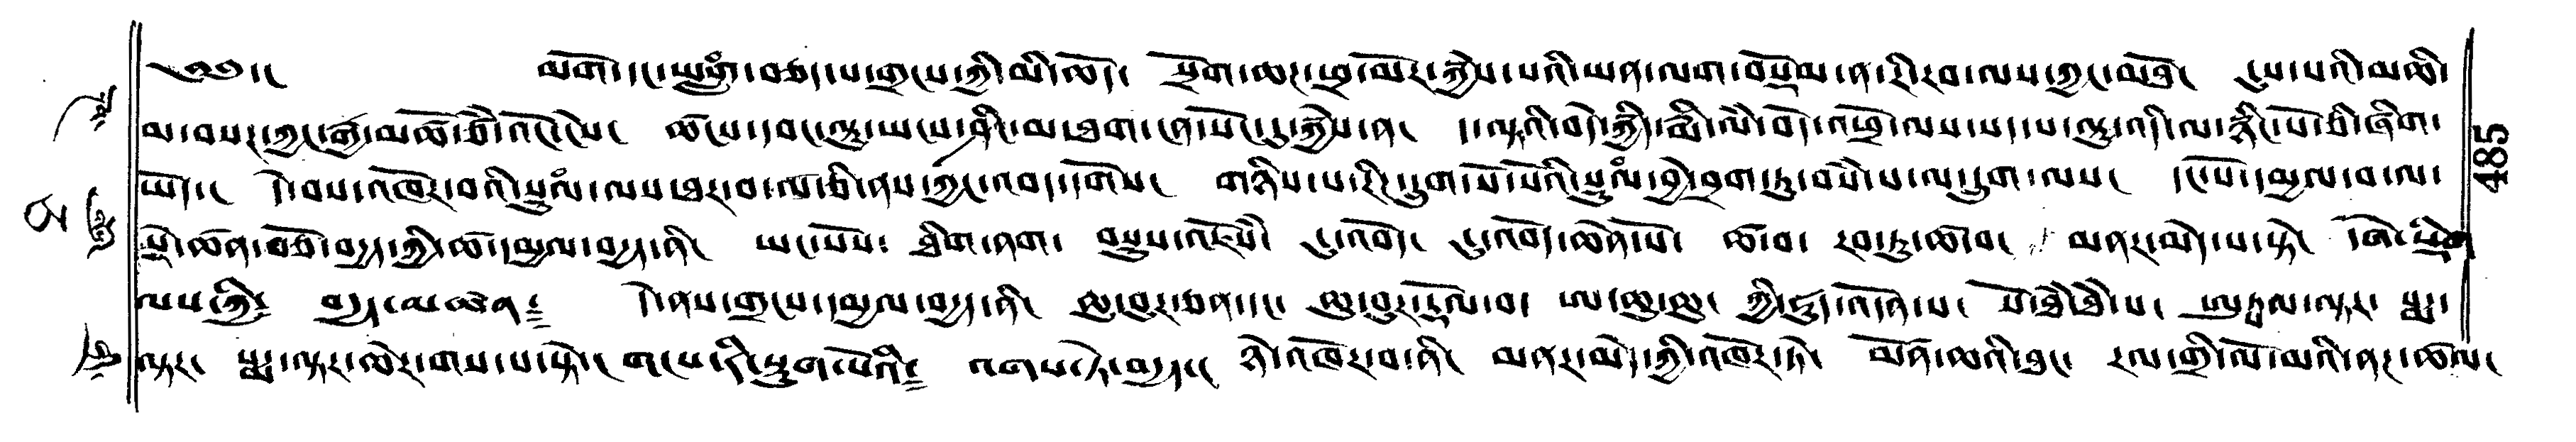མགོ་དང་ཡན་ལག་བཅད་པ་གྲངས་ཀྱི་མི་ཆོད། སྲོག་ཆགས་ཕྲ་མོར་སྐྱེས་པའི་ཡན་ལག་བསྡོམས་ན་རི་རབ་ལས་ཀྱང་མཐོ། ངུས་པའི་མཆི་
མ་བསགས་ན་རྒྱ་མཚོ་ཙམ་འོང་ངེས། ཚངས་དབང་ལྟ་བུ་ཡང་ཤི་མ་ཐག་ངན་སོང་དུ་སྐྱེ་ན། ད་ལྟའི་བདེ་སྐྱིད་རྨི་ལམ་བདེ་འཕྲོ་ལས་སད་པ་ལྟ་བུ་འདི་ལ་སྙིང་པོ་ཅི་ཞིག་
ཡོད། དེ་བས་འཁོར་བའི་སྡུལ་བྱ་ལས་ཐར་བ་ལ་ཅི་ནས་ཀྱང་འབད་དགོས། གཉིས་པ་རིགས་དྲུག་སོ་སོའི་སྡུག་བསྔལ་བྱེ་བྲག་ཏུ་བསམ་པ་ལ་དྲུག་ལས། དང་པོ་དམྱལ་བ་ལ་
སྡེ་ཚན་བཅོ་བརྒྱད་ཀྱི་ཚ་དམྱལ་བརྒྱད་ནི། ཡང་སོས། ཐིག་ནག བསྡུས་འཇོམས། ངུ་འབོད། ངུ་འབོད་ཆེན་པོ། ཚ་བ། རབ་ཏུ་ཚ་བ། མནར་མེད་པ་སྟེ། དགེ་སྡིག་
ལས་ཀྱི༴ བརྒྱད་མཚན༴ དེ་ནས་གྲང་དམྱལ་བརྒྱད་ནི། ཆུ་བུར་ཅན་དང་། ཆུ་བུར་རྡོལ་བ། ཨ་ཆུ་ཆུ། ཀྱི་ཧུད་འདོན་པ། སོ་ཐམ་ཐམ་པ། ཨུཏྤལ་ལྟར། པདྨ་
ལྟར། པདྨ་ལྟར་ཆེར་གས་པ་སྟེ། གངས་རི་སྟུག་པོའི༴ འགས་ཏེ་བརྒྱད། ཉེ་འཁོར་བ་ནི་མནར་མེད་ཀྱི་འཁོར་ཏེ། མཚོན་ཆའི་ཐང་། རལ་གྲི་ལོ་མའི་ནགས་ཚལ།